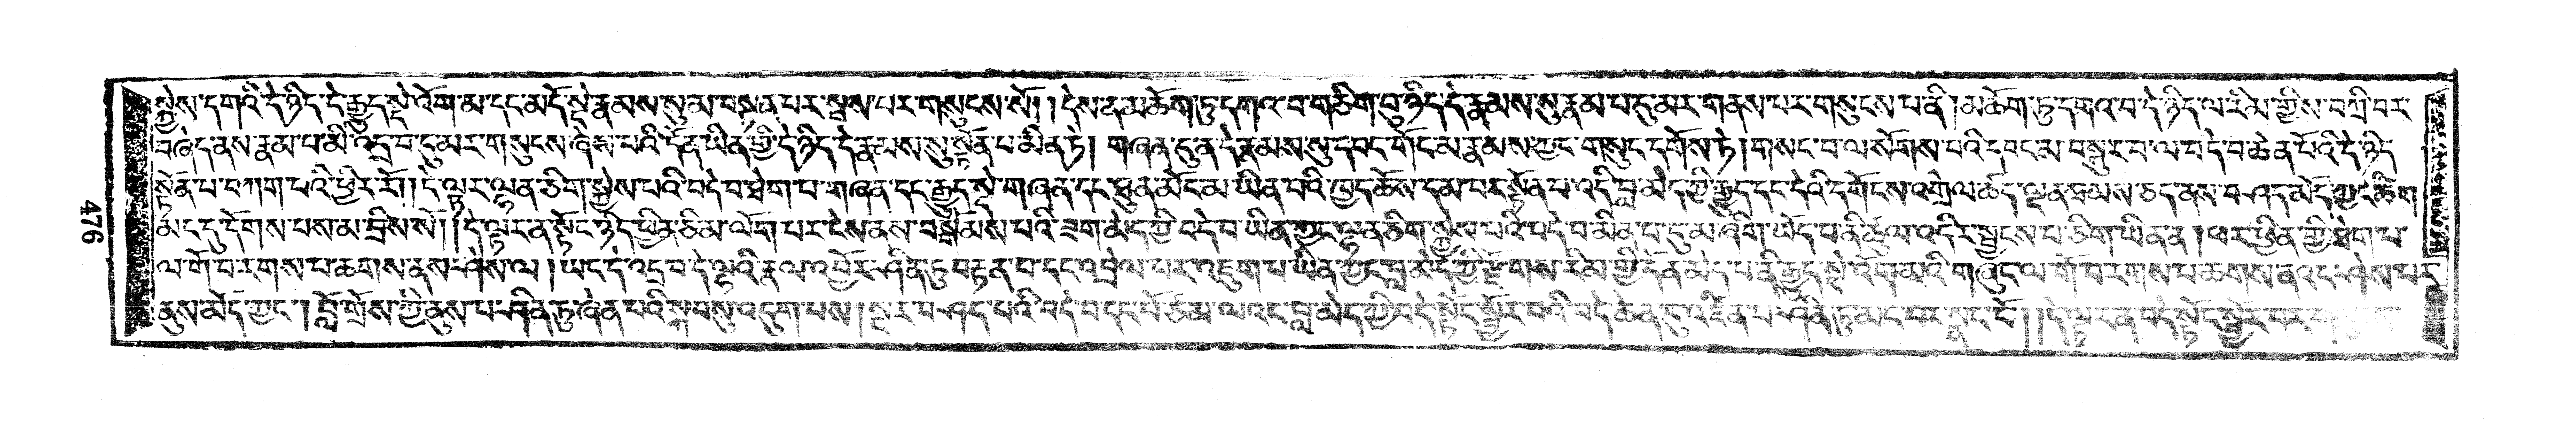སྐྱེས་དགའི་དེ་ཉིད་དེ་རྒྱུད་སྡེ་འོག་མ་དང་མདོ་སྡེ་རྣམས་སུ་མ་བསྟན་པར་སྦས་པར་གསུངས་སོ། །དེས་ན་མཆོག་ཏུ་དགའ་བ་གཅིག་པུ་ཉིད་དེ་རྣམས་སུ་རྣམ་པ་དུ་མར་གནས་པར་གསུངས་པ་ནི། མཆོག་ཏུ་དགའ་བ་དེ་ཉིད་ལ་རིམ་གྱིས་བཀྲི་བར་
བཞེད་ནས་རྣམ་པ་མི་འདྲ་བ་དུ་མར་གསུངས་ཞེས་པའི་དོན་ཡིན་གྱི་དེ་ཉིད་དེ་རྣམས་སུ་སྟོན་པ་མིན་ཏེ། གཞན་དུ་ན་དེ་རྣམས་སུ་དབང་གོང་མ་རྣམས་ཀྱང་གསུང་དགོས་ཏེ། གསང་བ་ལ་སོགས་པའི་དབང་མ་བསྐུར་བ་ལ་བདེ་བ་ཆེན་པོའི་དེ་ཉིད་
སྟོན་པ་བཀག་པའི་ཕྱིར་རོ། །དེ་ལྟར་ལྷན་ཅིག་སྐྱེས་པའི་བདེ་བ་ཐེག་པ་གཞན་དང་རྒྱུད་སྡེ་གཞན་དང་ཐུན་མོང་མ་ཡིན་པའི་ཁྱད་ཆོས་དམ་པར་སྟོན་པ་འདི་བླ་མེད་ཀྱི་རྒྱུད་དང་དེའི་དགོངས་འགྲེལ་ཆད་ལྡན་ཐམས་ཅད་ནས་བཤད་མོད་ཀྱང་ཚིག་
མང་དུ་དོགས་པས་མ་བྲིས་སོ། །དེ་ལྟར་ན་སྟོང་ཉིད་ཕྱིན་ཅི་མ་ལོག་པར་ངེས་ནས་བསྒོམས་པའི་ཟག་མེད་ཀྱི་བདེ་བ་ཡིན་ཀྱང་ལྷན་ཅིག་སྐྱེས་པའི་བདེ་བ་མིན་པ་དུ་མ་ཞིག་ཡོད་པ་ནི་ཚུལ་འདིར་སྦྱངས་པ་ཅིག་ཡིན་ན། ཕར་ཕྱིན་གྱི་ཐེག་པ་
བ་ཐེག་པ་གཞན་དང་རྒྱུད་སྡེ་གཞན་དང་ཐུན་མོང་མ་ཡིན་དེའི་དགོངས་འགྲེལ་ཆད་ལྡན་ཐམས་ཅད་ནས་བཤད་མོད་ཀྱང་ཚིག་མེད་ཀྱི་རྫོགས་རིམ་གྱི་དོན་མེད་པ་ནི་རྒྱུད་སྡེ་འོག་མའི་གཞུང་ལ་གོ་བ་རགས་པ་ཆགས་ནའང་ཤེས་པར་
ནུས་མོད་ཀྱང་། བློ་གྲོས་ཀྱི་ནུས་པ་ཤིན་ཏུ་ཞེན་པའི་སྐབས་སུ་འདུག་པས། སྔར་བཤད་པའི་བདེ་བ་དང་པོ་ཙམ་ལའང་བླ་མེད་ཀྱི་བདེ་སྟོང་སྦྱོར་བའི་བདེ་ཆེན་དུ་འཛིན་པ་ཤིན་ཏུ་མང་བར་སྣང་ངོ། །དེ་ལྟར་ན་བདེ་སྟོང་སྦྱོར་བར་གསུངས་